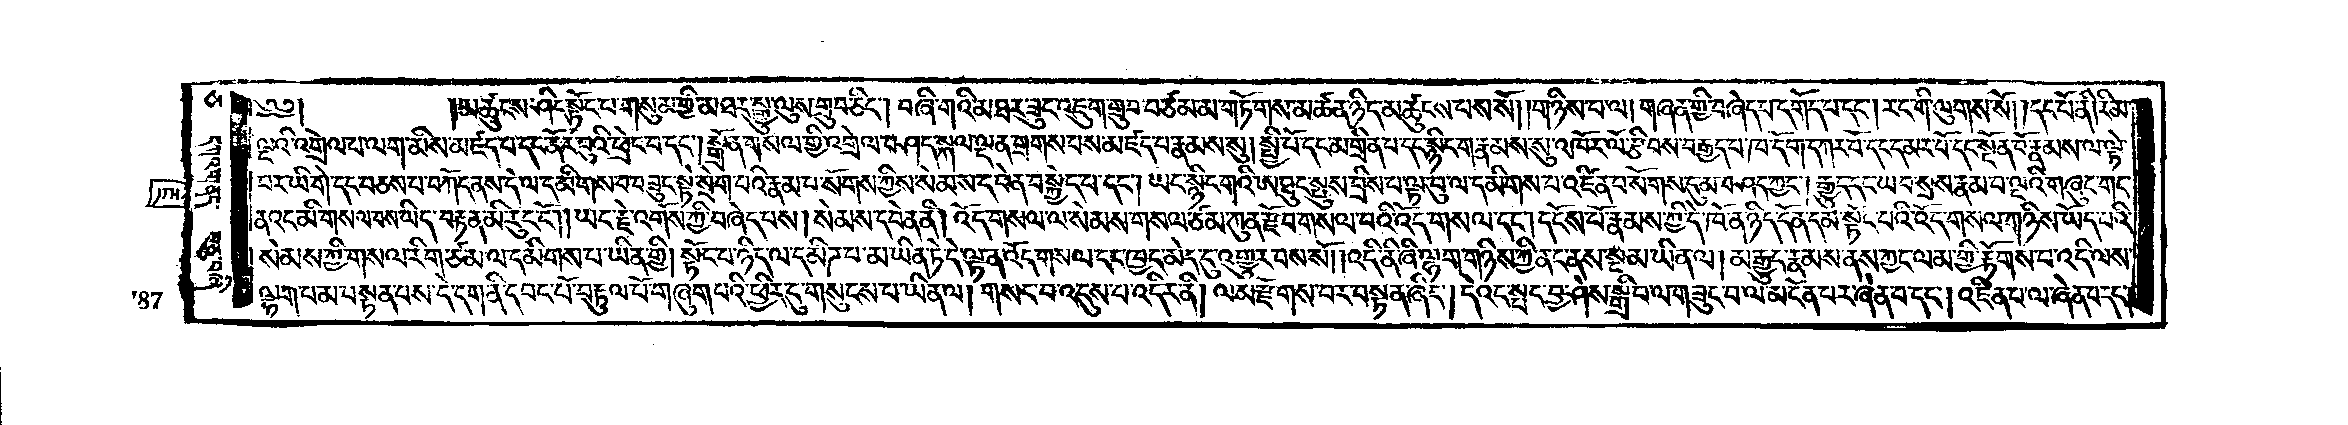༄༅། །མཚུངས་ཤིང་སྟོང་པ་གསུམ་གྱི་མཐར་སྒྱུ་ལུས་གྲུབ་ཅིང་། བཞི་གའི་མཐར་ཟུང་འཇུག་གྲུབ་པ་ཙམ་མ་གཏོགས་མཚན་ཉིད་མཚུངས་པས་སོ། །གཉིས་པ་ལ། གཞན་གྱི་བཞེད་པ་དགོད་པ་དང་། རང་གི་ལུགས་སོ། །དང་པོ་ནི། རིམ་
ལྔའི་འགྲེལ་པ་ལག་མིས་མཛད་པ་དང་ནོར་བུའི་ཕྲེང་བ་དང་། སྒྲོན་གསལ་གྱི་འགྲེལ་བཤད་སྐལ་ལྡན་གྲགས་པས་མཛད་པ་རྣམས་སུ། སྤྱི་བོ་དང་མགྲིན་པ་དང་སྙིང་ག་རྣམས་སུ་འཁོར་ལོ་རྩིབས་བརྒྱད་པ་ཁ་དོག་དཀར་པོ་དང་དམར་པོ་དང་སྔོན་པོ་རྣམས་ལ་ལྟེ་
བར་ཡི་གེ་དང་བཅས་པ་བཀོད་ནས་དེ་ལ་དམིགས་པ་བཟུང་སྟེ་སྲེག་པའི་རྣམ་པ་སོགས་ཀྱིས་སེམས་དབེན་བསྐྱེད་པ་དང་། ཡང་སྙིང་གའི་ཨ་ཐུང་སྤུས་བྲིས་པ་ལྟ་བུ་ལ་དམིགས་པ་འཛིན་པ་སོགས་དུ་མ་བཤད་ཀྱང་། རྒྱུད་དང་ཡབ་སྲས་རྣམ་པ་ལྔའི་གཞུང་གང་
ནའང་མི་གསལ་བས་ཡིད་བརྟན་མི་རུང་ངོ། །ཡང་རྗེ་འགོས་ཀྱི་བཞེད་པས། སེམས་དབེན་ནི། འོད་གསལ་ལ་སེམས་གསལ་ཙམ་ཀུན་རྫོབ་གསལ་བའི་འོད་གསལ་དང་། དངོས་པོ་རྣམས་ཀྱི་དེ་ཁོ་ན་ཉིད་དོན་དམ་སྟོང་པའི་འོད་གསལ་གཉིས་ཡོད་པའི་
སེམས་ཀྱི་གསལ་རིག་ཙམ་ལ་དམིགས་པ་ཡིན་གྱི། སྟོང་པ་ཉིད་ལ་དམིགས་པ་མ་ཡིན་ཏེ་དེ་ལྟ་ན་འོད་གསལ་དང་ཁྱད་མེད་དུ་འགྱུར་བས་སོ། །འདི་ནི་ཞི་ལྷག་གཉིས་ཀྱི་ནང་ནས་སྔ་མ་ཡིན་ལ། མ་རྒྱུད་རྣམས་ནས་ཀྱང་ལམ་གྱི་རྟོགས་པ་འདི་ལས་
ལྷག་པ་མ་བསྟན་པས་དེ་དག་ནི་དབང་པོ་བརྟུལ་པོ་གཞུག་པའི་ཕྱིར་དུ་གསུངས་པ་ཡིན་ལ། གསང་བ་འདུས་པ་འདིར་ནི། ལམ་རྫོགས་པར་བསྟན་ཞིང་། དེའང་སྤང་བྱ་ཤེས་སྒྲིབ་ལ་གཟུང་བ་ལ་མངོན་པར་ཞེན་པ་དང་། འཛིན་པ་ལ་ཞེན་པ་དང་།